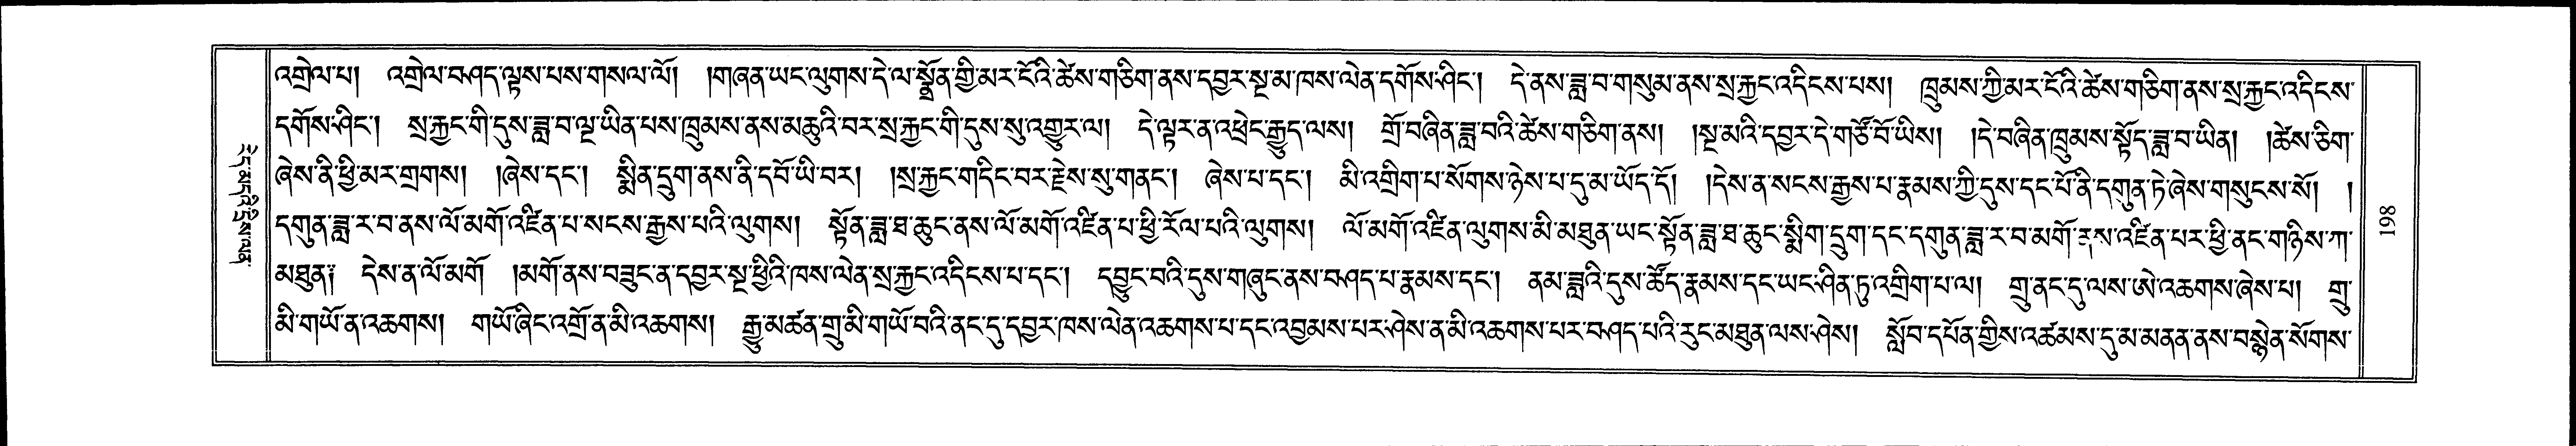འགྲེལ་པ། འགྲེལ་བཤད་ལྟས་པས་གསལ་ལོ། །གཞན་ཡང་ལུགས་དེ་ལ་སྣྲོན་གྱི་མར་ངོའི་ཚེས་གཅིག་ནས་དབྱར་སྔ་མ་ཁས་ལེན་དགོས་ཤིང་། དེ་ནས་ཟླ་བ་གསུམ་ནས་སྲ་རྐྱང་འདིངས་པས། ཁྲུམས་ཀྱི་མར་ངོའི་ཚེས་གཅིག་ནས་སྲ་རྐྱང་འདིངས་
དགོས་ཤིང་། སྲ་རྐྱང་གི་དུས་ཟླ་བ་ལྔ་ཡིན་པས་ཁྲུམས་ནས་མཆུའི་བར་སྲ་རྐྱང་གི་དུས་སུ་འགྱུར་ལ། དེ་ལྟར་ན་འཕྲེང་རྒྱུད་ལས། གྲོ་བཞིན་ཟླ་བའི་ཚེས་གཅིག་ནས། །སྔ་མའི་དབྱར་དེ་གཙོ་བོ་ཡིས། །དེ་བཞིན་ཁྲུམས་སྟོད་ཟླ་བ་ཡིན། །ཚེས་ཅིག་
ཞེས་ནི་ཕྱི་མར་གྲགས། །ཞེས་དང་། སྨིན་དྲུག་ནས་ནི་དབོ་ཡི་བར། །སྲ་རྐྱང་གདིང་བར་རྗེས་སུ་གནང་། ཞེས་པ་དང་། མི་འགྲིག་པ་སོགས་ཉེས་པ་དུ་མ་ཡོད་དོ། །དེས་ན་སངས་རྒྱས་པ་རྣམས་ཀྱི་དུས་དང་པོ་ནི་དགུན་ཏེ་ཞེས་གསུངས་སོ། །
དགུན་ཟླ་ར་བ་ནས་ལོ་མགོ་འཛིན་པ་སངས་རྒྱས་པའི་ལུགས། སྟོན་ཟླ་ཐ་ཆུང་ནས་ལོ་མགོ་འཛིན་པ་ཕྱི་རོལ་པའི་ལུགས། ལོ་མགོ་འཛིན་ལུགས་མི་མཐུན་ཡང་སྟོན་ཟླ་ཐ་ཆུང་སྨིག་དྲུག་དང་དགུན་ཟླ་ར་བ་མགོ་ནས་འཛིན་པར་ཕྱི་ནང་གཉིས་ཀ་
མཐུན། དེས་ན་ལོ་མགོ །མགོ་ནས་བཟུང་ན་དབྱར་སྔ་ཕྱིའི་ཁས་ལེན་སྲ་རྐྱང་འདིངས་པ་དང་། དབྱུང་བའི་དུས་གཞུང་ནས་བཤད་པ་རྣམས་དང་། ནམ་ཟླའི་དུས་ཚོད་རྣམས་དང་ཡང་ཤིན་ཏུ་འགྲིག་པ་ལ། གྲུ་ནང་དུ་ལས་ཨེ་འཆགས་ཞེས་པ། གྲུ་
མི་གཡོ་ན་འཆགས། གཡོ་ཞིང་འགྲོ་ན་མི་འཆགས། རྒྱུ་མཚན་གྲུ་མི་གཡོ་བའི་ནང་དུ་དབྱར་ཁས་ལེན་འཆགས་པ་དང་འབྱམས་པར་ཤེས་ན་མི་འཆགས་པར་བཤད་པའི་རུང་མཐུན་ལས་ཤེས། སློབ་དཔོན་གྱིས་འཚམས་དུ་མ་མནན་ནས་བསྙེན་སོགས་